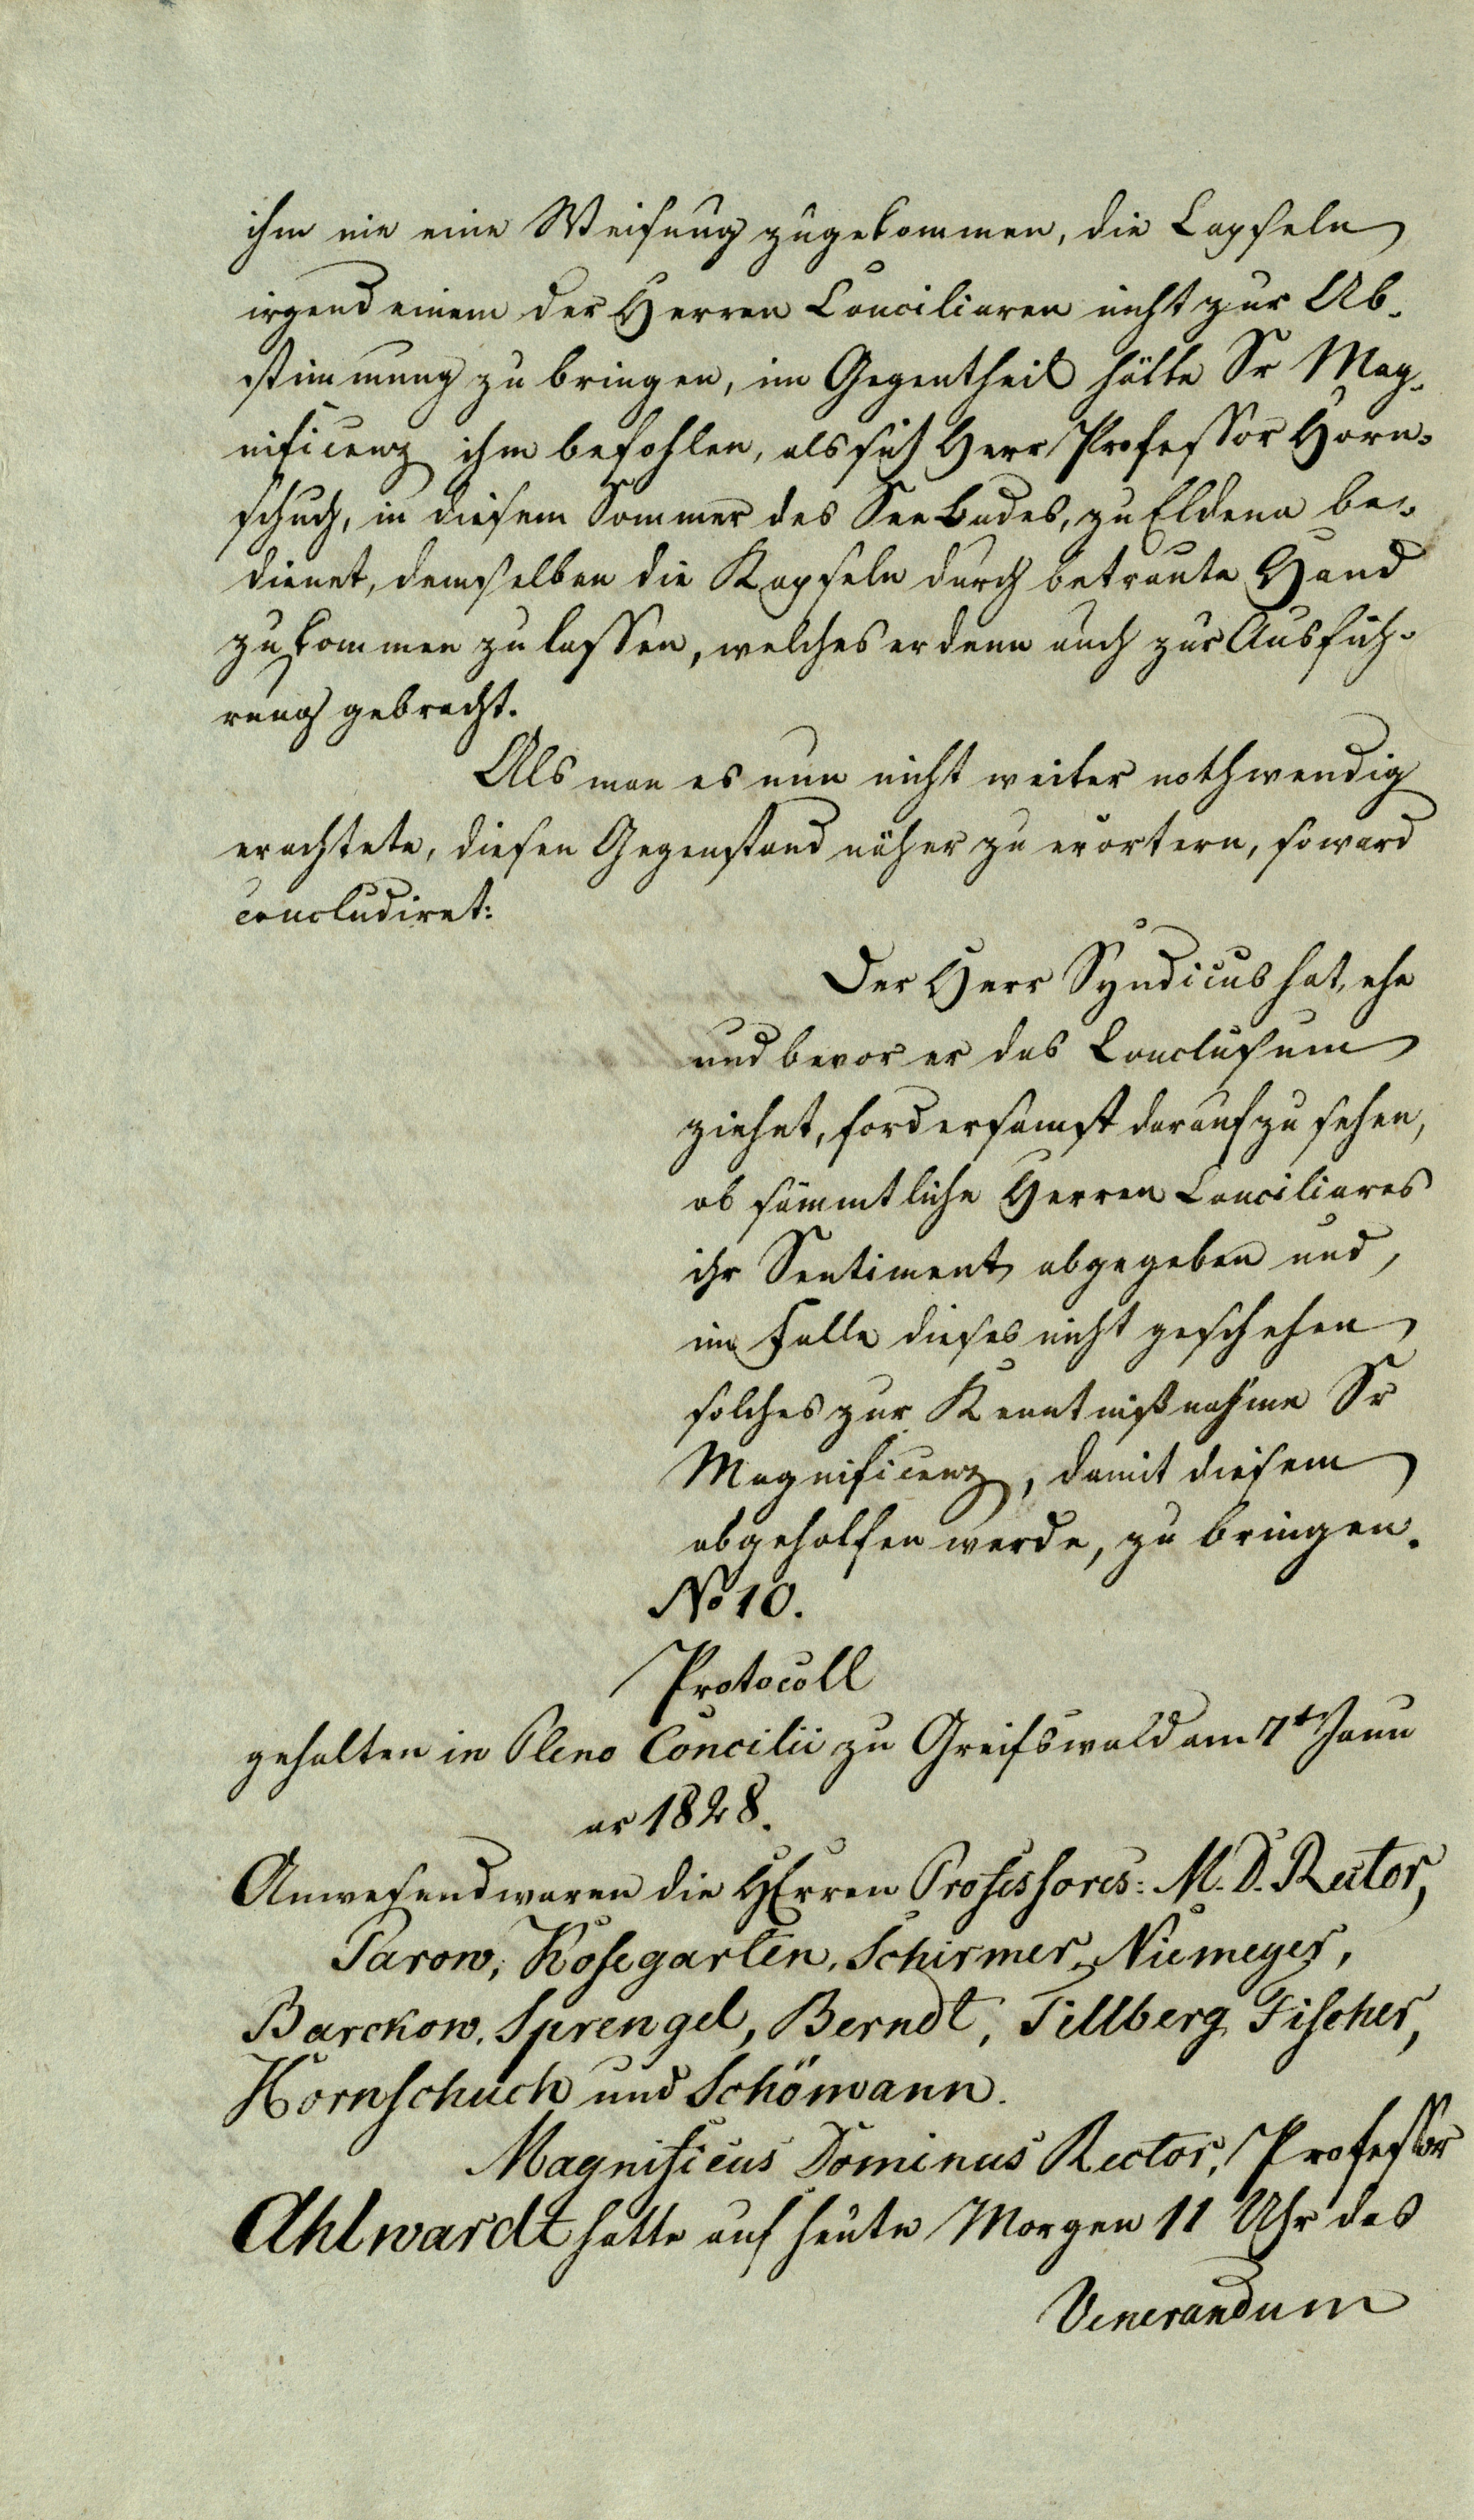ihm nie eine Weisung zugekommen, die Capseln
irgend einem der Herren Conciliaren nicht zur Ab¬
stimmung zu bringen, im Gegentheil hätte Sr Mag¬
nificenz ihm befohlen, als sich Herr Professor Horn¬
schuch, in diesem Sommer des Seebades, zu Eldena be¬
dienet, demselben die Kapseln durch betraute Hand
zukommen zu lassen, welches er denn auch zur Ausfüh¬
rung gebracht.
Als man es nun nicht weiter nothwendig
erachtete, diesen Gegenstand näher zu erörtern, so ward
concludiret:
Der Herr Syndicus hat, ehe
und bevor er das Conclusum
ziehet, fordersamst darauf zu sehen,
ob sämmtliche Herren Cociliares
ihr Sentiment abgegeben und,
im Falle dieses nicht geschehen
solches zur Kenntnißnahme Sr
Magnificenz, damit diesem
abgeholfen werde, zu bringen.
No 10.
Protocoll
gehalten in Pleno Concilii zu Greifswald am 7ten Janu¬
ar 1828.
Anwesend waren die Herren Profesfores: M. D. Rector,
Parow, Kosegarten, Schirmer, Niemeyer,
Barckow, Sprengel, Berndt, Tillberg, Fischer,
Hornschuch und Schömann.
Magnificus Dominus Rector Professor
Ahlwardt hatte auf heute Morgen 11 Uhr das
Venerandum